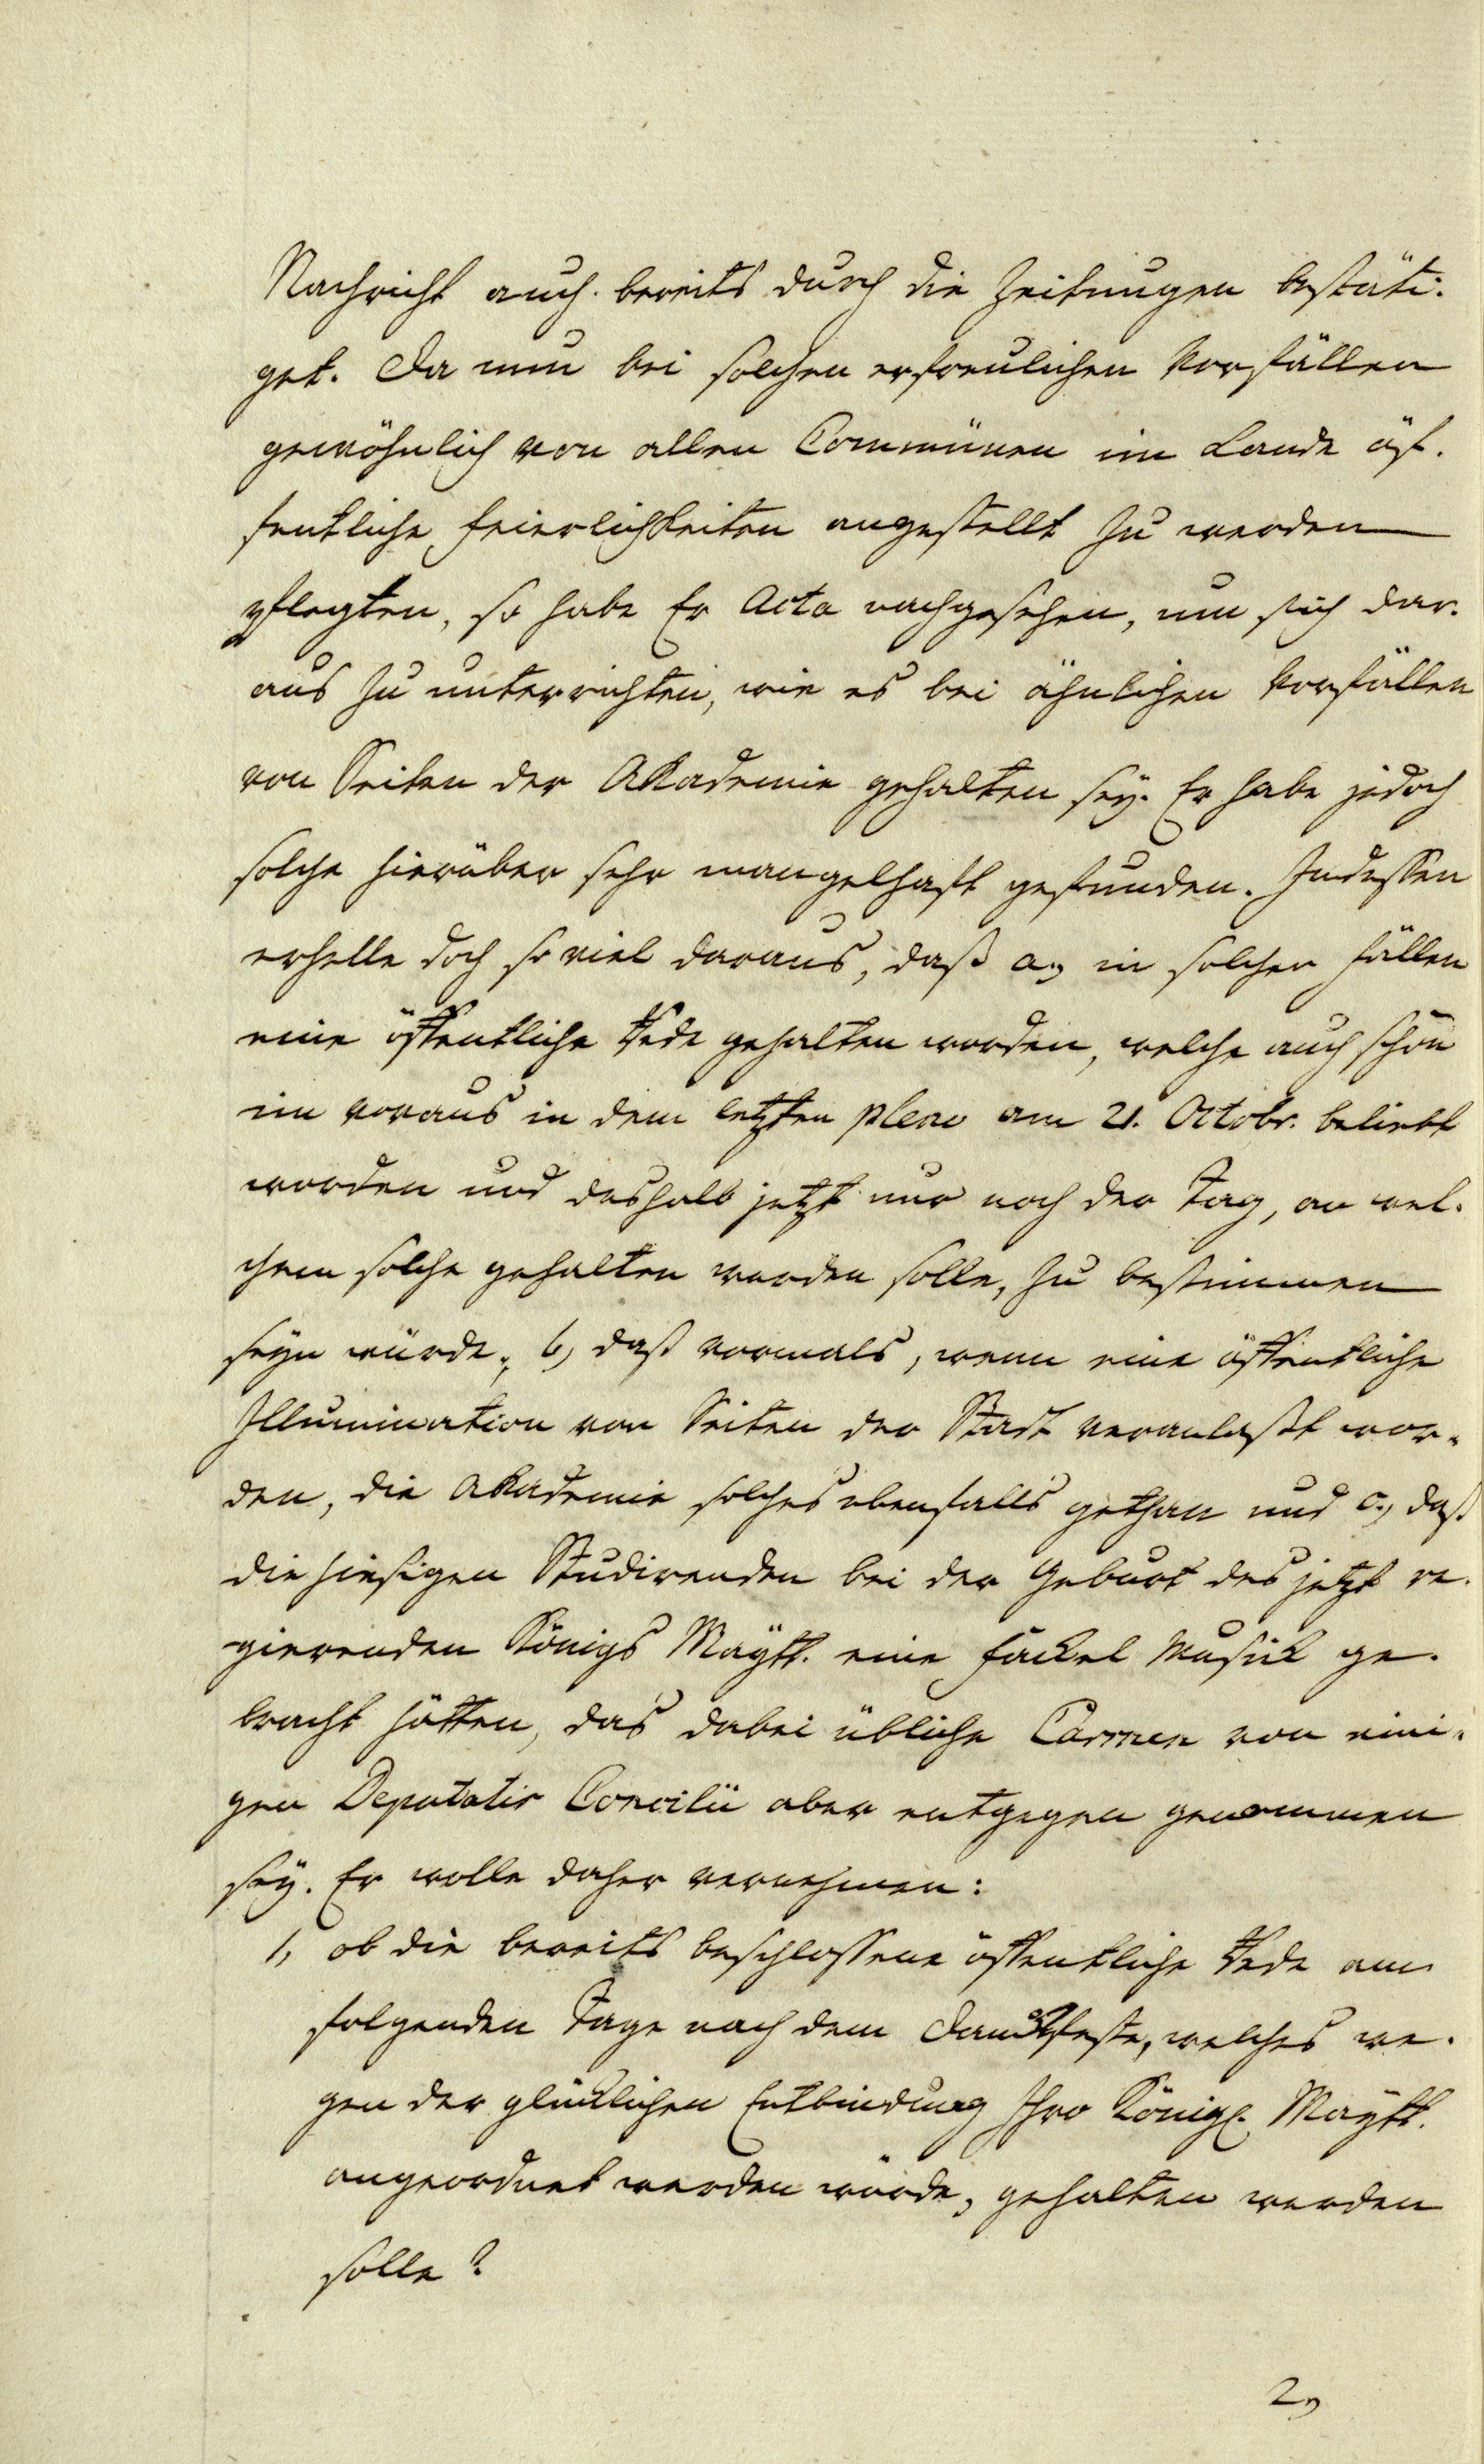Nachricht auch bereits durch die Zeitungen bestäti
get. Da nun bei solchen erfreulichen Vorfällen
gewöhnlich von allen Commünen im Lande öf¬
fentliche Feierlichkeiten angestellt zu werden
pflegten, so habe Er Acta nachgesehen, um sich dar¬
aus zu unterrichten, wie es bei ähnlichen Vorfällen
von Seiten der Akademie gehalten seÿ. Er habe jedoch
solche hierüber sehr mangelhaft gefunden. Indessen
erhelle doch so viel daraus, daß a., in solchen Fällen
eine öffentliche Rede gehalten worden, welche auch schon
im voraus in dem letzten pleno am 21. Octobr beliebt
worden und deshalb jetzt nur noch der Tag, an wel¬
chem solche gehalten werden solle, zu bestimmen
seÿn würde; b., daß vormals, wenn eine öffentliche
Illumination von Seiten der Stadt veranlaßt wor¬
den, die Akademie solches ebenfalls gethan und c., daß
die hiesigen Studirenden bei der Geburt des jetzt re¬
gierenden Königs Maÿtt. eine Fackel Musick ge¬
bracht hätten, das dabei nbliche Carmen von eini¬
gen Deputatis Concilii aber entgegen genommen
seÿ. Er wolle daher vernehmen:
1, ob die bereits beschlossene öffentliche Rede am
folgenden Tage nach dem Danckfeste, welches we¬
gen der glücklichen Entbindung Ihro Königl. Maÿtt.
angeordnet werden würde, gehalten werden
solle?
2,